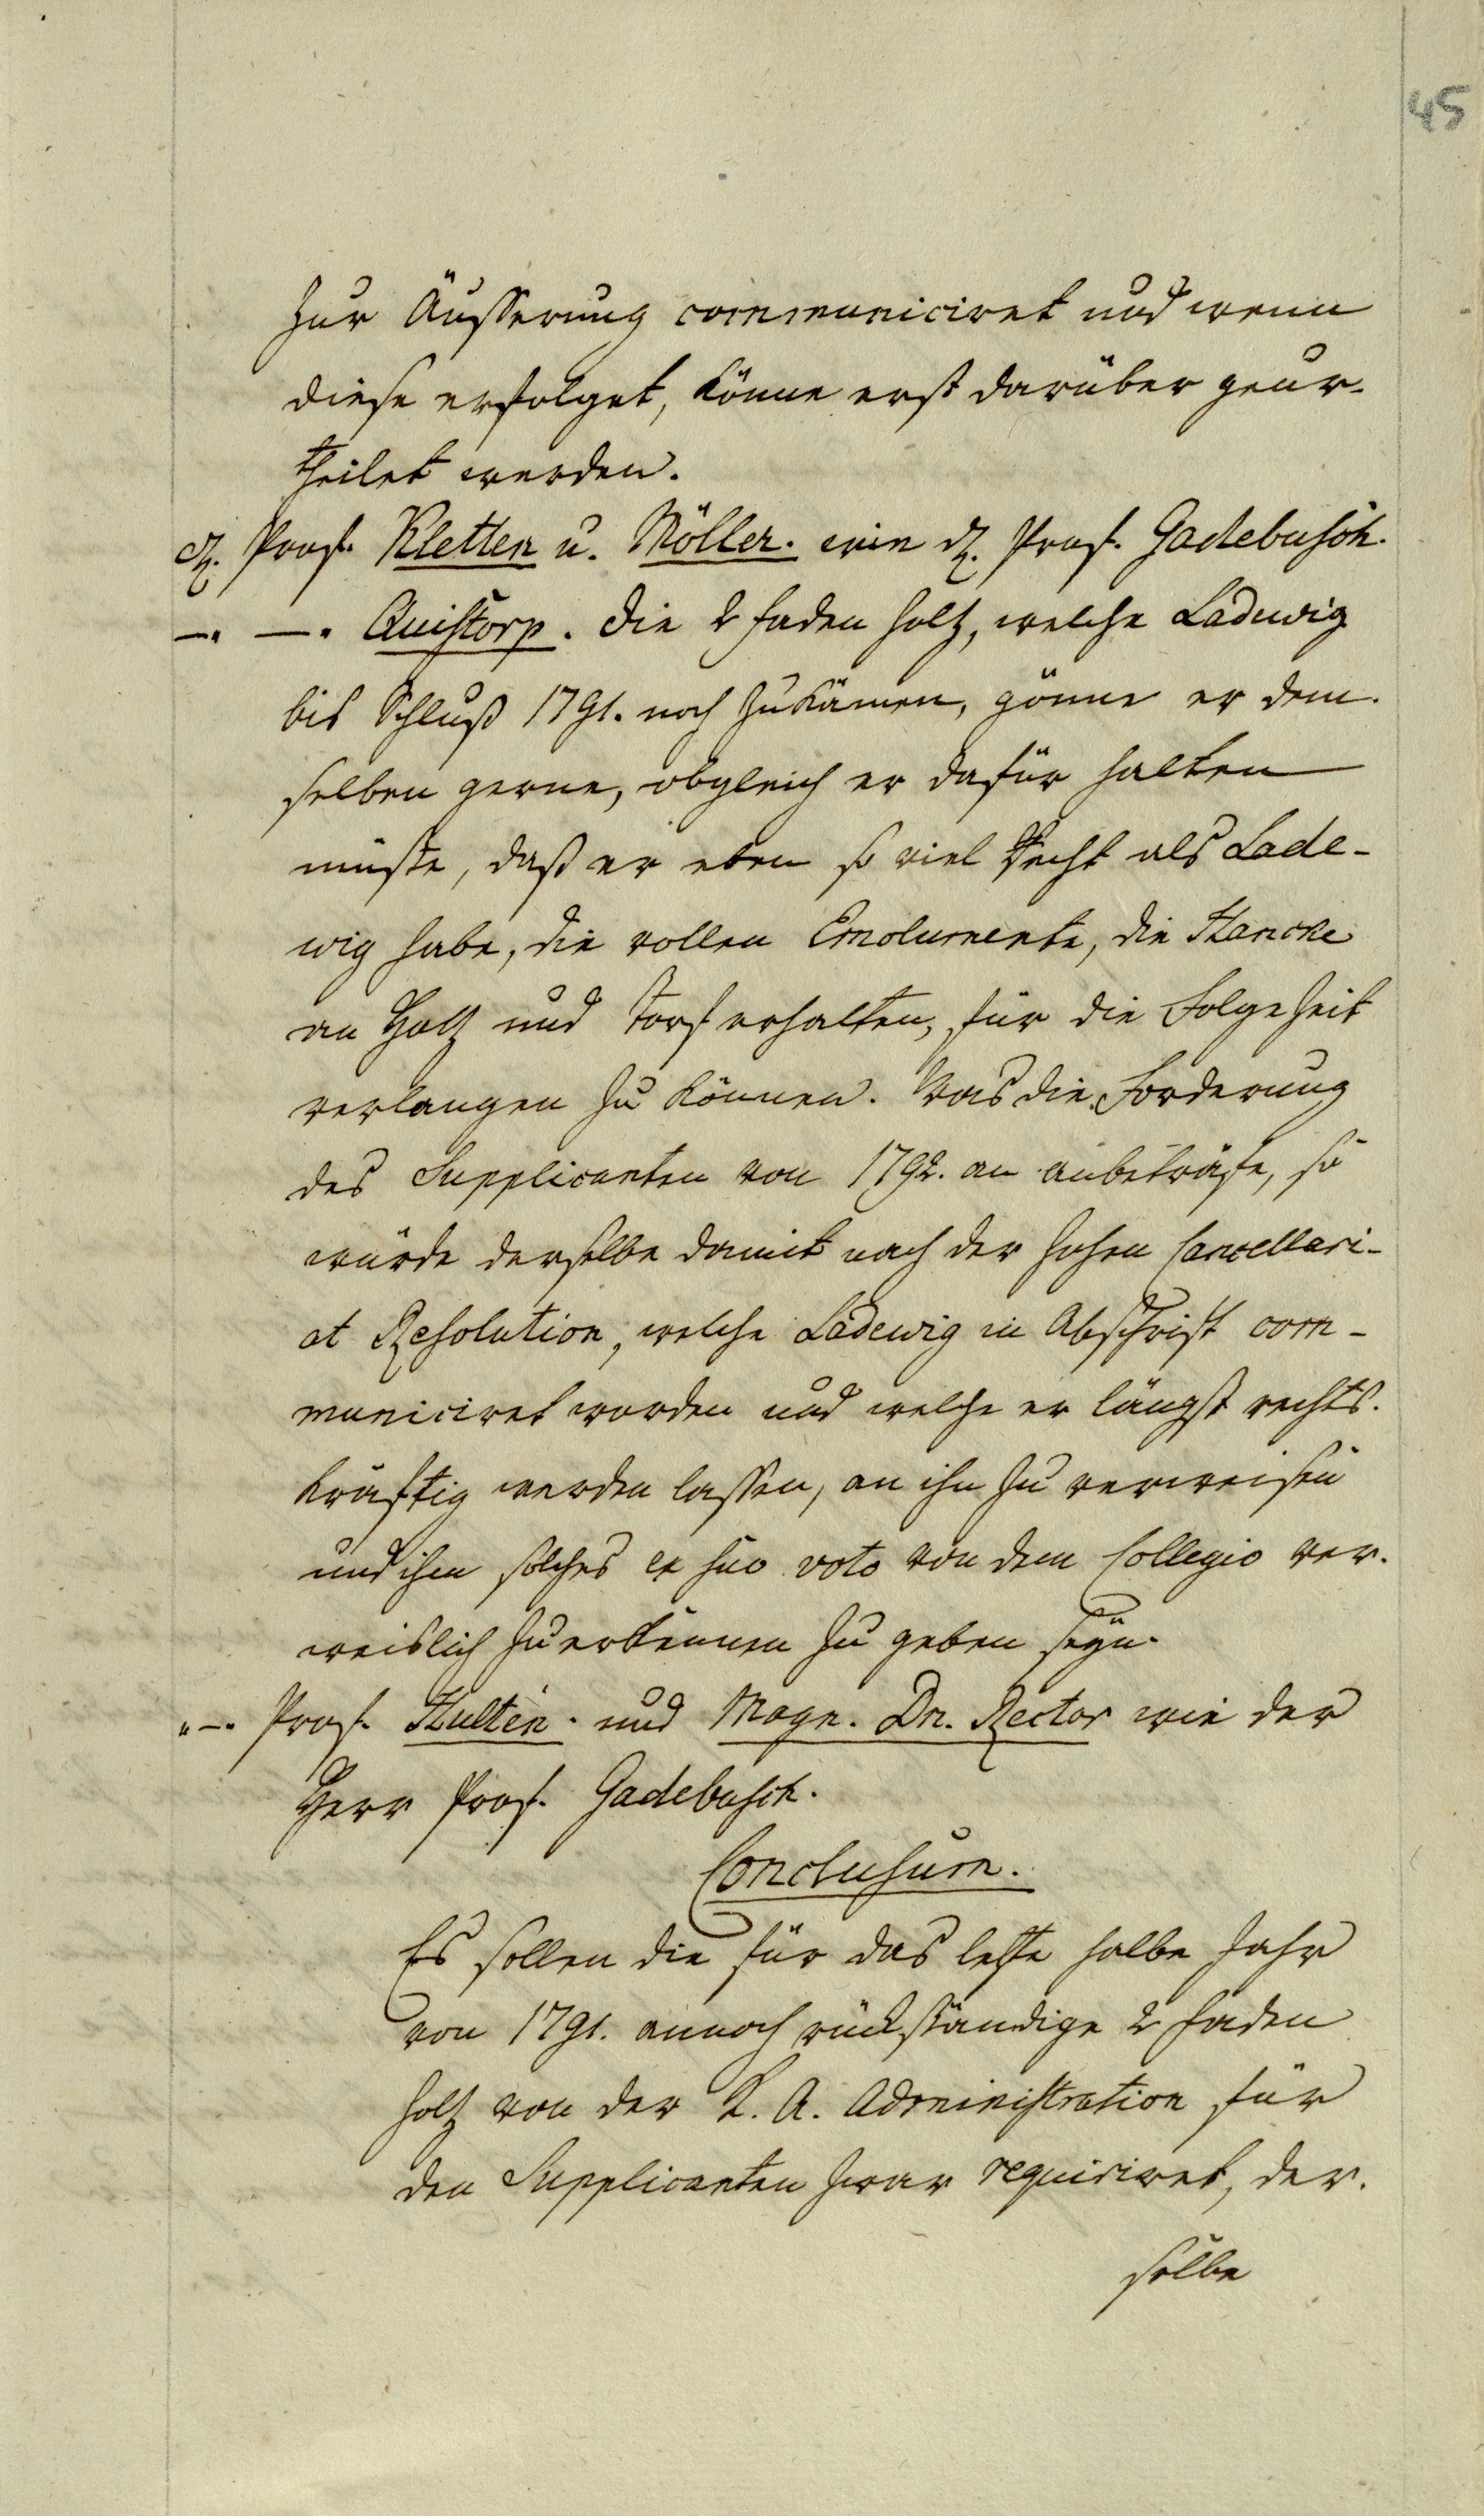zur Äusserung communiciret und wenn
diese erfolget, könne erst darüber geur¬
theilet werden.
dh. Prof. Kletten u. Möller. wie dh. Prof. Gadebusch.
— " — " Quistorp. Die 2 Faden Holz, welche Ladewig
bis Schluß 1791. noch zukämen, gönne er dem¬
selben gerne, obgleich er dafür halten
müsste, daß er eben so viel Recht als Lade¬
wig habe, die vollen Emolumente, die Hancke
an Holz und Torf erhalten, für die Folgezeit
verlangen zu können. Was die Forderung
des Supplicanten von 1792. an anbeträfe, so
würde derselbe damit nach der hohen Cancellari¬
at Resolution, welche Ladewig in Abschrift com¬
municiret worden und welche er längst rechts¬
kräftig werden lassen, an ihn zu verweisen
und ihm solches ex suo voto von dem Collegio ver¬
weislich zu erkennen zu geben seÿn.
" — " Prof. Hultén und Magn. Dn. Rector wie der
Herr Prof. Gadebusch.
Conclusum.
Es sollen die für das letzte halbe Jahr
von 1791. annoch rückständiger 2 Faden
Holz von der K. A. Administration für
den Supplicanten zwar requirirt, der¬
selbe